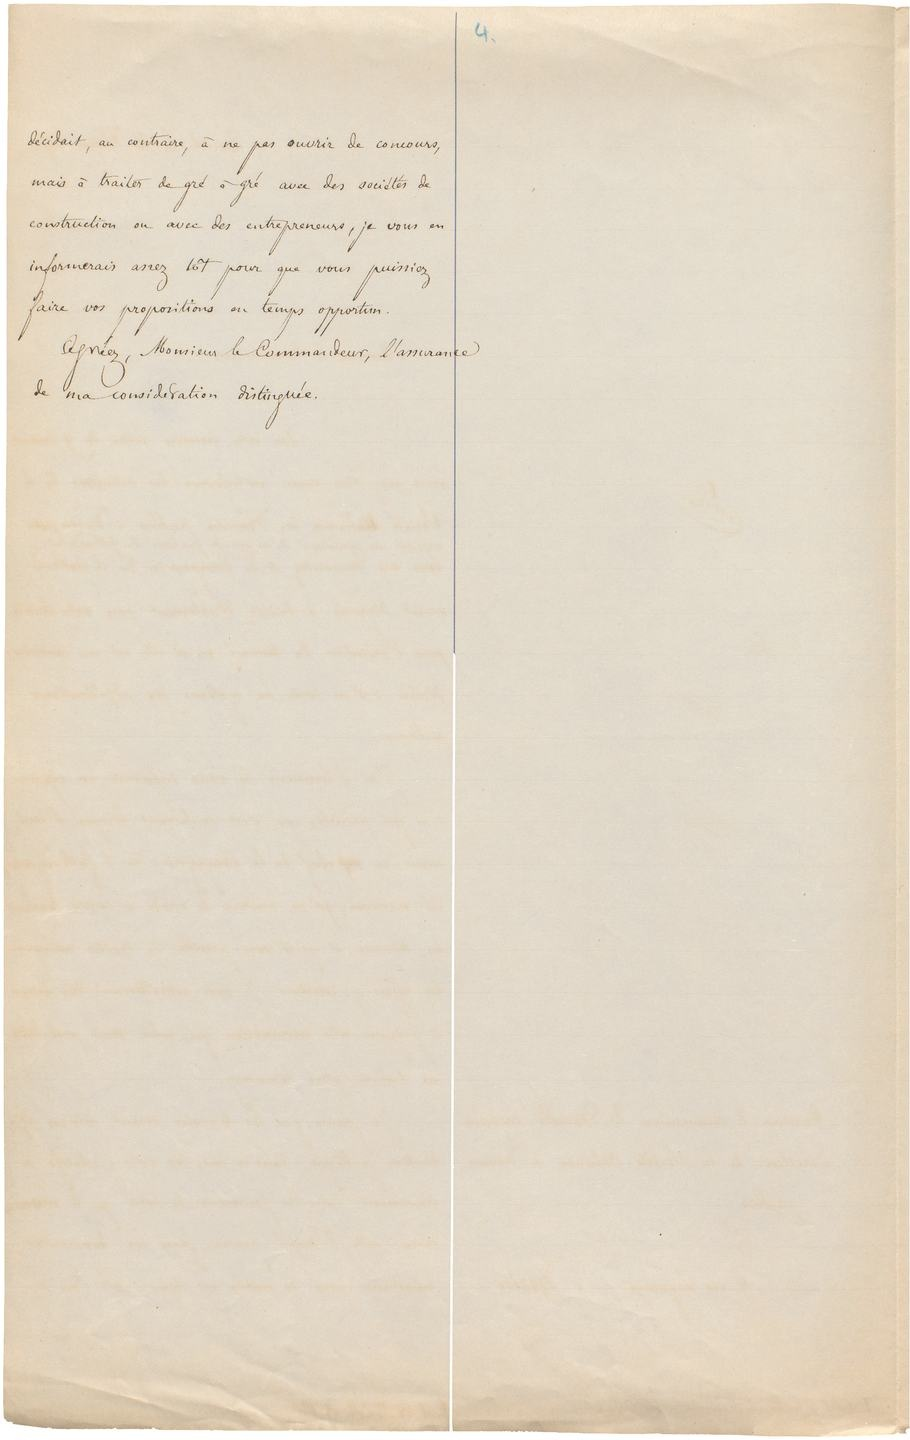décidait, au contraire, à ne pas ouvrir de concours,
mais à traiter de gré à gré avec des sociétés de
construction ou avec des entrepreneurs, je vous en
informerais assez tôt pour que vous puissiez
faire vos propositions en temps opportun.
Agréez, Monsieur le Commandeur, l'assurance
de ma considération distinguée.